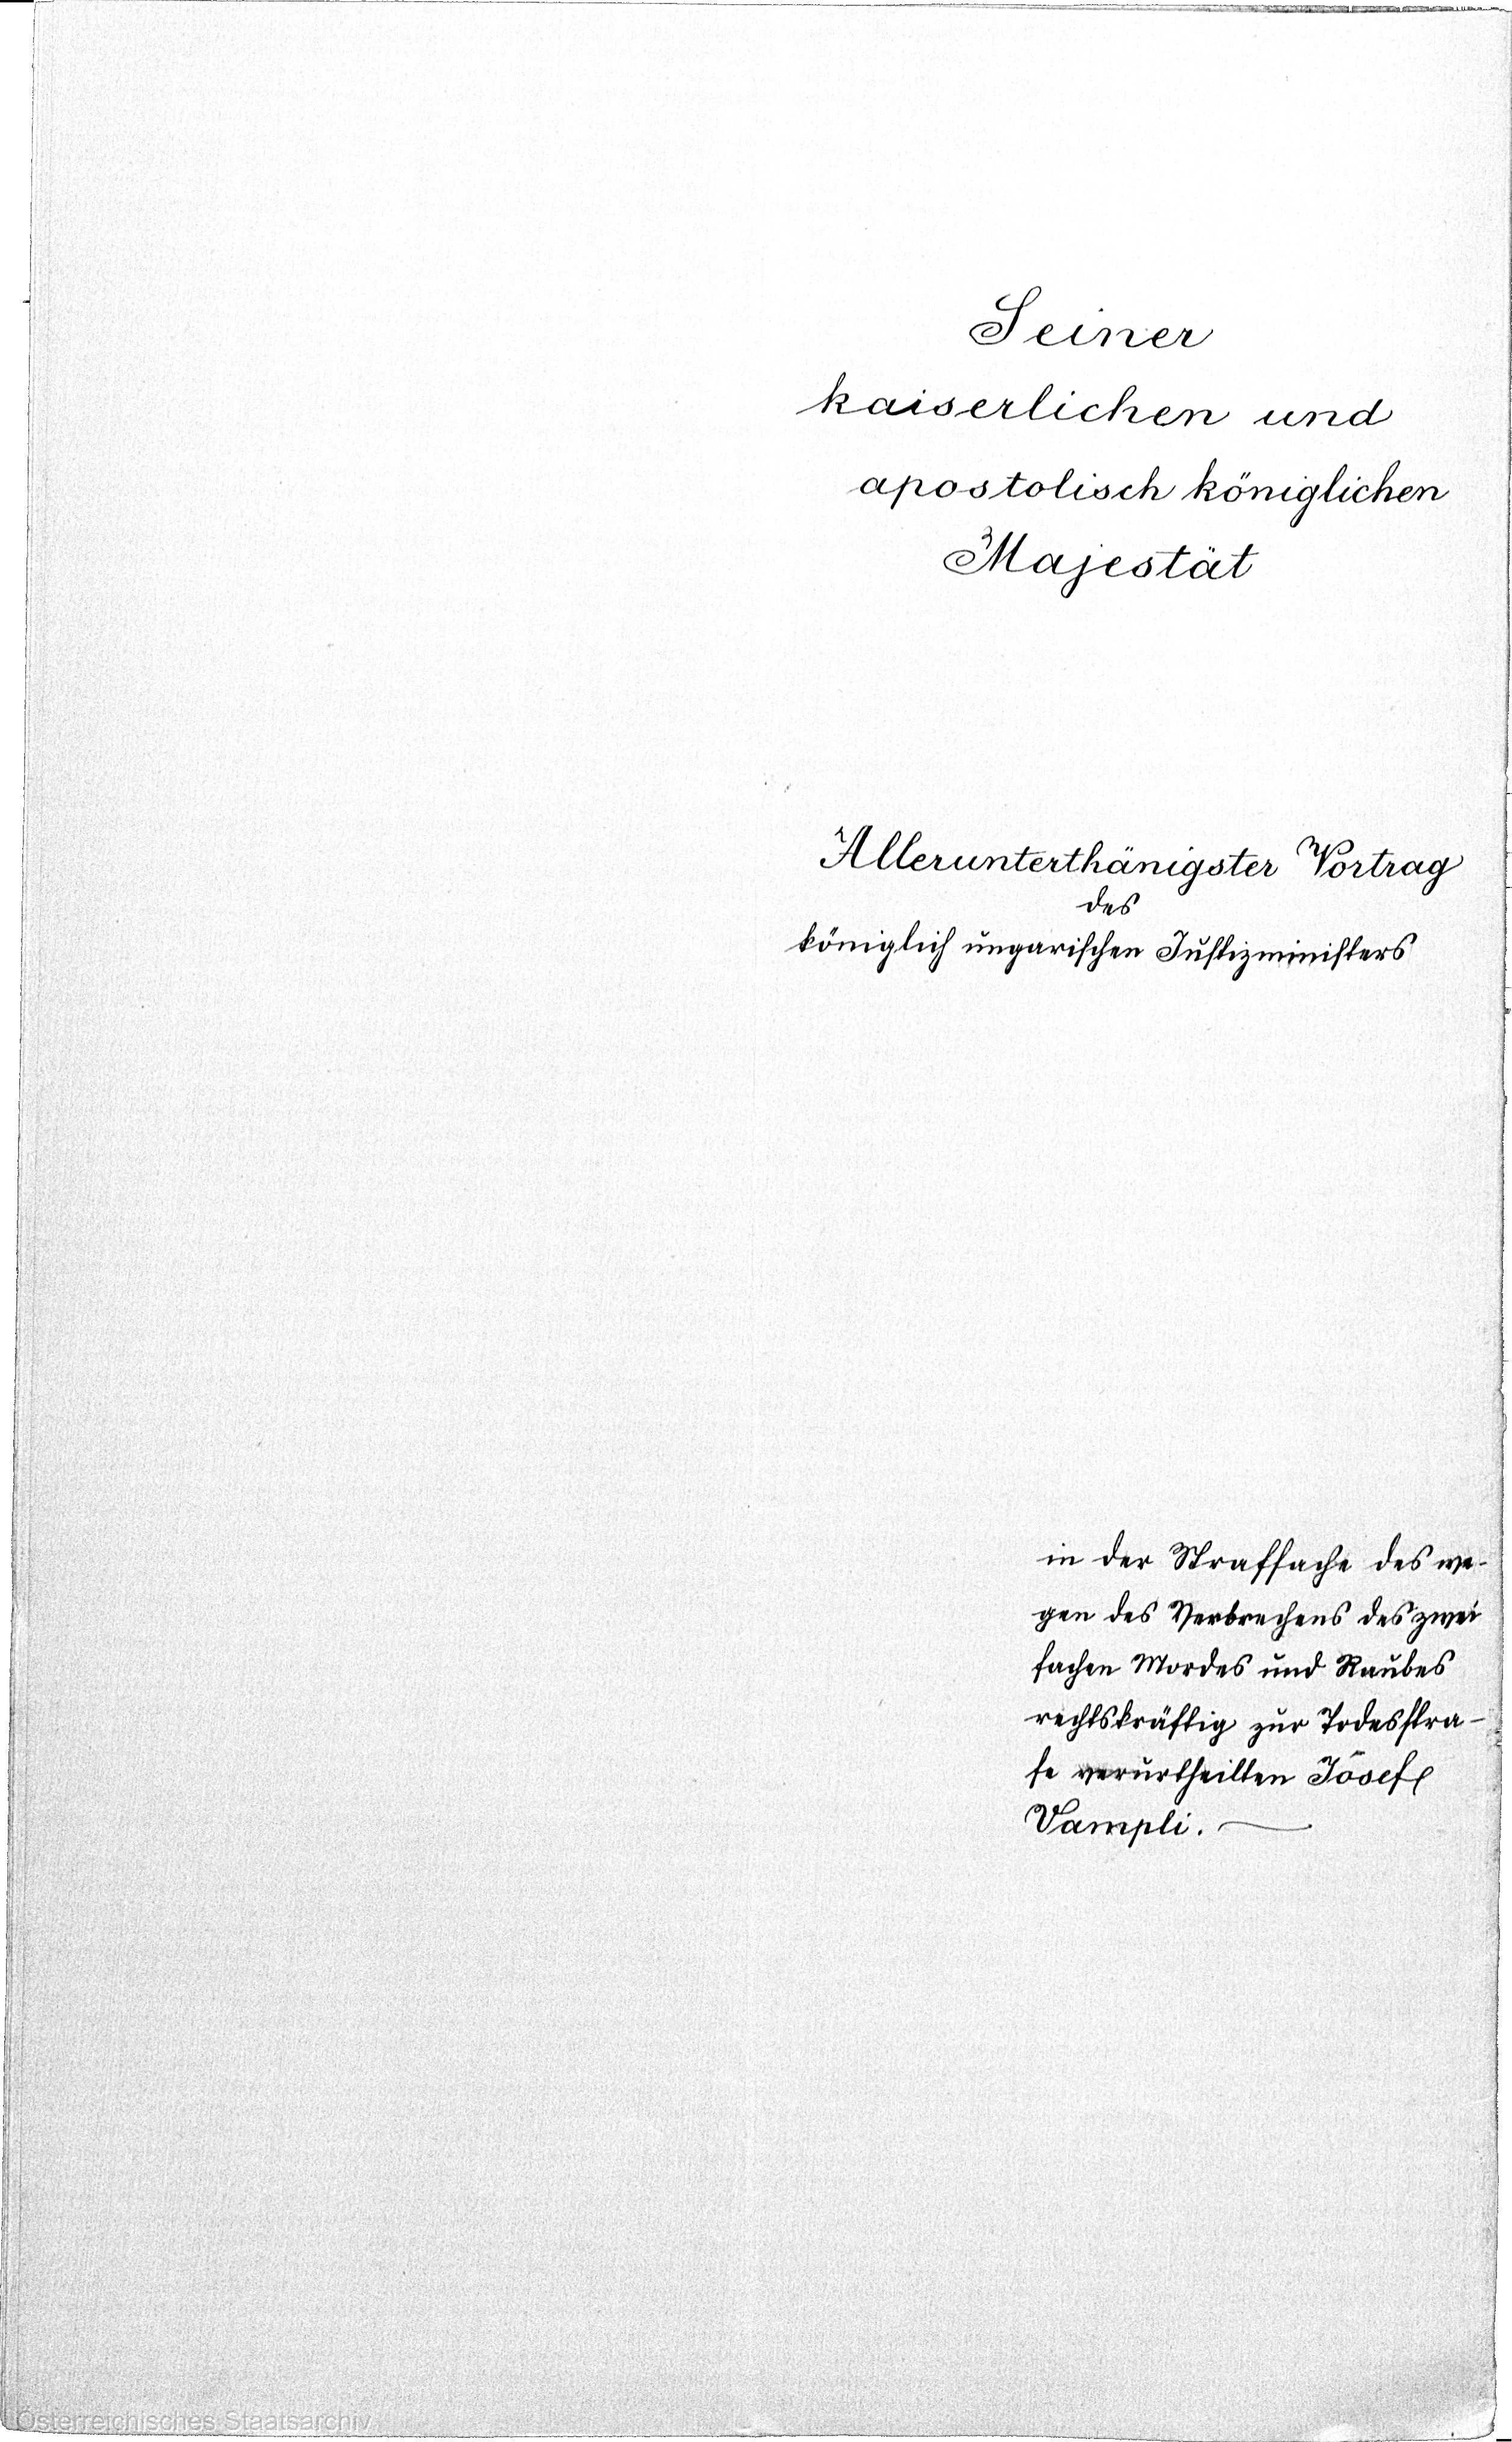Seiner
kaiserlichen und
apostolisch königlichen
Majestät
Allerunterthänigster Vortrag
Des
königlich ungarischen Justizministers
in der Strafsache des we¬
gen des Verbrechens des zwei¬
fachen Mordes und Raubes
rechtskräftig zur Todesstra¬
fe verurtheilten Jósef
Vampli.